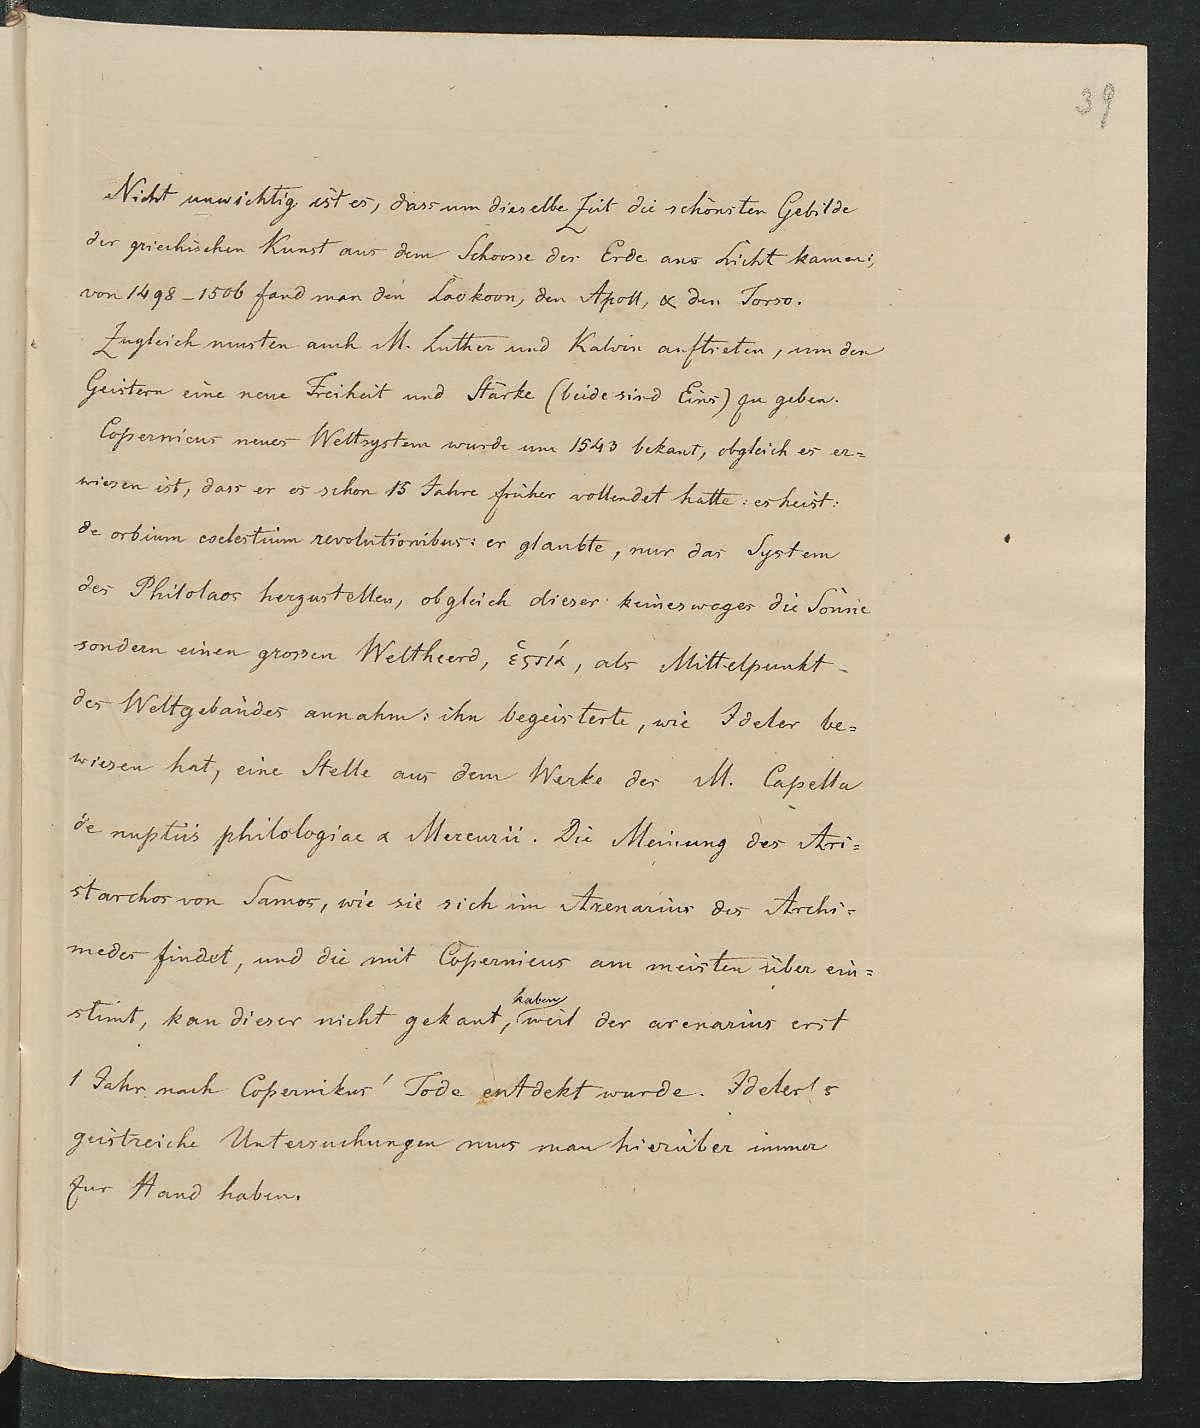Nicht unwichtig ist es, dass um dieselbe Zeit die schönsten Gebilde
der griechischen Kunst aus dem Schoosse der Erde ans Licht kamen:
von 1498–1506 fand man den Laokoon, den Apoll, & den Torso.
Zugleich musten auch M. Luther und Kalvin auftreten, um den
Geistern eine neue Freiheit und Stärke zu geben.
Copernicus neues Weltsystem wurde um 1543 bekant, obgleich es er-
wiesen ist, dass er es schon 15 Jahre früher vollendet hatte: es heist:
de orbium coelestium revolutionibus: er glaubte, nur das System
des Philolaos herzustellen, obgleich dieser keinesweges die Sonne
sondern einen grossen Weltheerd, , als Mittelpunkt
des Weltgebäudes annahm: ihn begeisterte, wie Ideler be-
wiesen hat, eine Stelle aus dem Werke des M. Capella
de nuptiis philologiae & Mercurii. Die Meinung des Ari-
starchos von Samos, wie sie sich im Arenarius des Archi-
medes findet, und die mit Copernicus am meisten über ein-
stimt, kan dieser nicht gekant haben, weil der arenarius erst
1 Jahr nach Copernikus' Tode entdekt wurde. Ideler's
geistreiche Untersuchungen mus man hierüber immer
zur Hand haben.
dar.